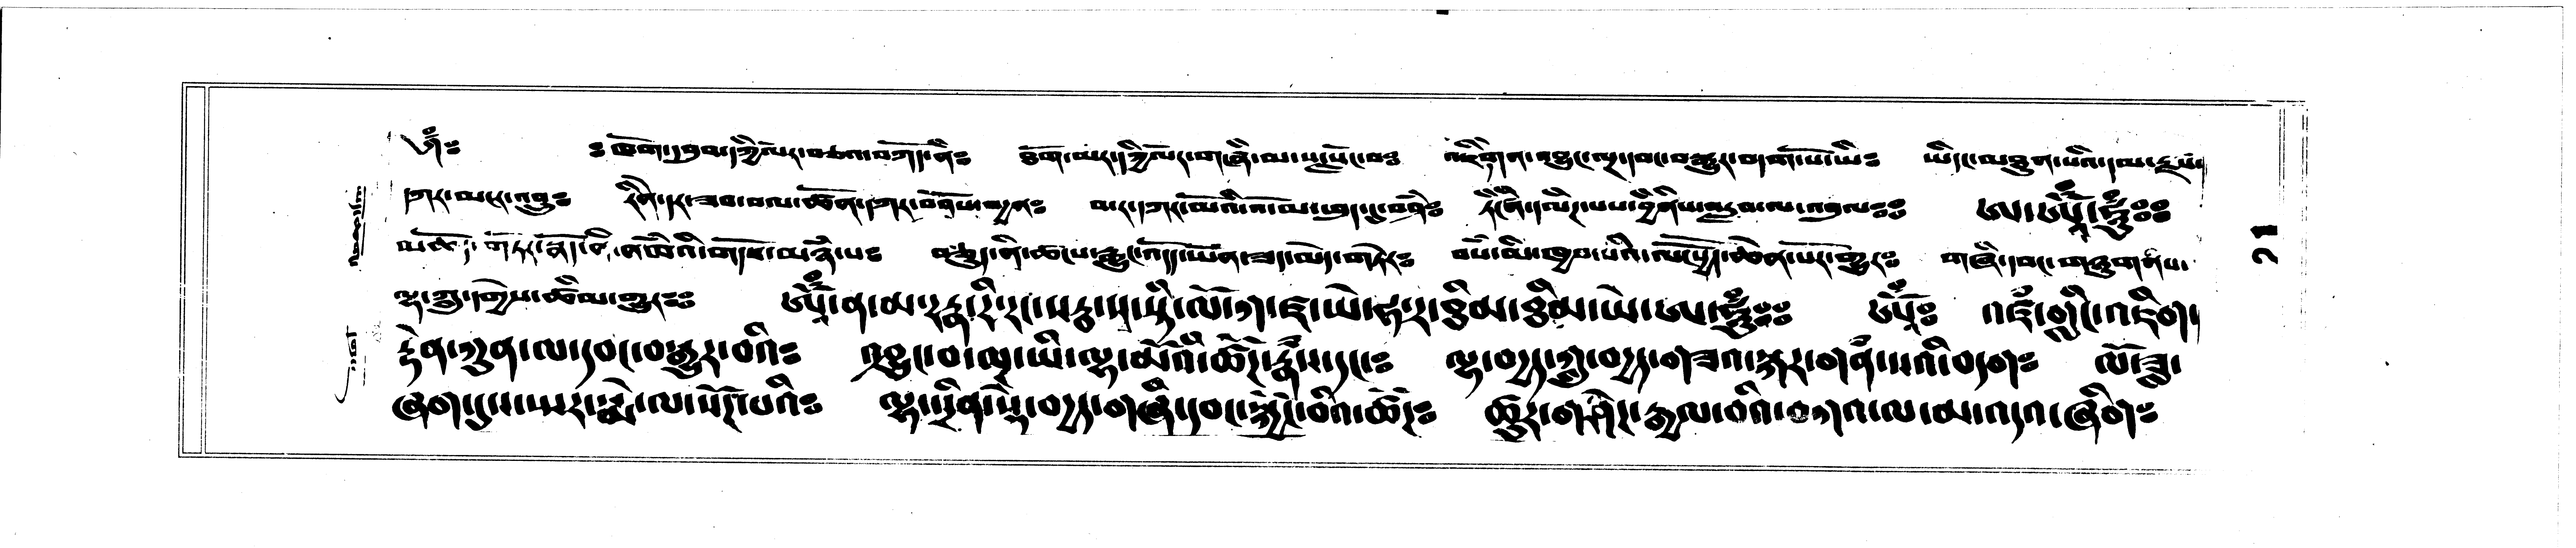ཁོག་དབུབ་དཀྱིལ་འཁོར་བཅའ་བཀོད་ནིཿ ཐོག་མར་དཀྱིལ་འཁོར་གཞི་མ་ས་སློང་བཿ འཇིག་རྟེན་འབྱུང་ལྔ་དབང་བསྒྱུར་བདག་པོ་ཡིཿ ཡིད་དང་མཐུན་པའི་དམ་རྫས་
དཀར་མངར་འབྲུཿ རིན་ཆེན་དར་ཟབ་བལ་ཚོན་དཀར་བཤོས་བརྒྱནཿ མར་དཀར་མོའི་འོ་མ་ཕུད་དུ་བཤམསཿ ཏིང་འཛིན་དམིགས་པས་བྱིན་གྱིས་བརླབས་ལ་འབུལཿ ཨ་ཨཱོྃ་ཧཱུྃཿ 
མཆོད་གཏོར་སྣོད་ནི་ནམ་མཁའི་གཏོས་མཉམ་པཿ བཅུད་ནི་ཚངས་རྒྱུང་འདོད་ཡོན་ཟད་མེད་གཏེརཿ བསམ་མི་ཁྱབ་པའི་ལོངས་
 སྤྱོད་ཆེན་པོར་གྱུརཿ ཨཱོྃ་ན་མ་རི་རང་སརྦ་སྭ་སྟི་ལོ་ཀ་ཛ་ཡེ་ཧ་ར་ཐིམ་ཐིམ་ཡེ་ཨ་ཧཱུྂཿ ཨཱོྃཿ འཛམ་གླིང་འཇིག་
རྟེན་ཀུན་ལ་དབང་བསྒྱུར་བའིཿ འབྱུང་བ་ལྔ་ཡི་ལྷ་མོའི་ཚོགས་རྣམས་དངཿ ལྷ་བརྒྱད་ཀླུ་བརྒྱད་གཟའ་སྐར་གནམ་སའི་བདགཿ ལོ་ཟླ་
ཞག་དུས་སྤར་སྨེ་ལ་སོགས་པའིཿ ལྷ་སྲིན་སྡེ་བརྒྱད་གཞི་དབང་སྐྱོང་བའི་ཚོགསཿ ཚུར་གཤེགས་རྒྱལ་བའི་བཀའ་ལ་མ་འདའ་ཞིགཿ